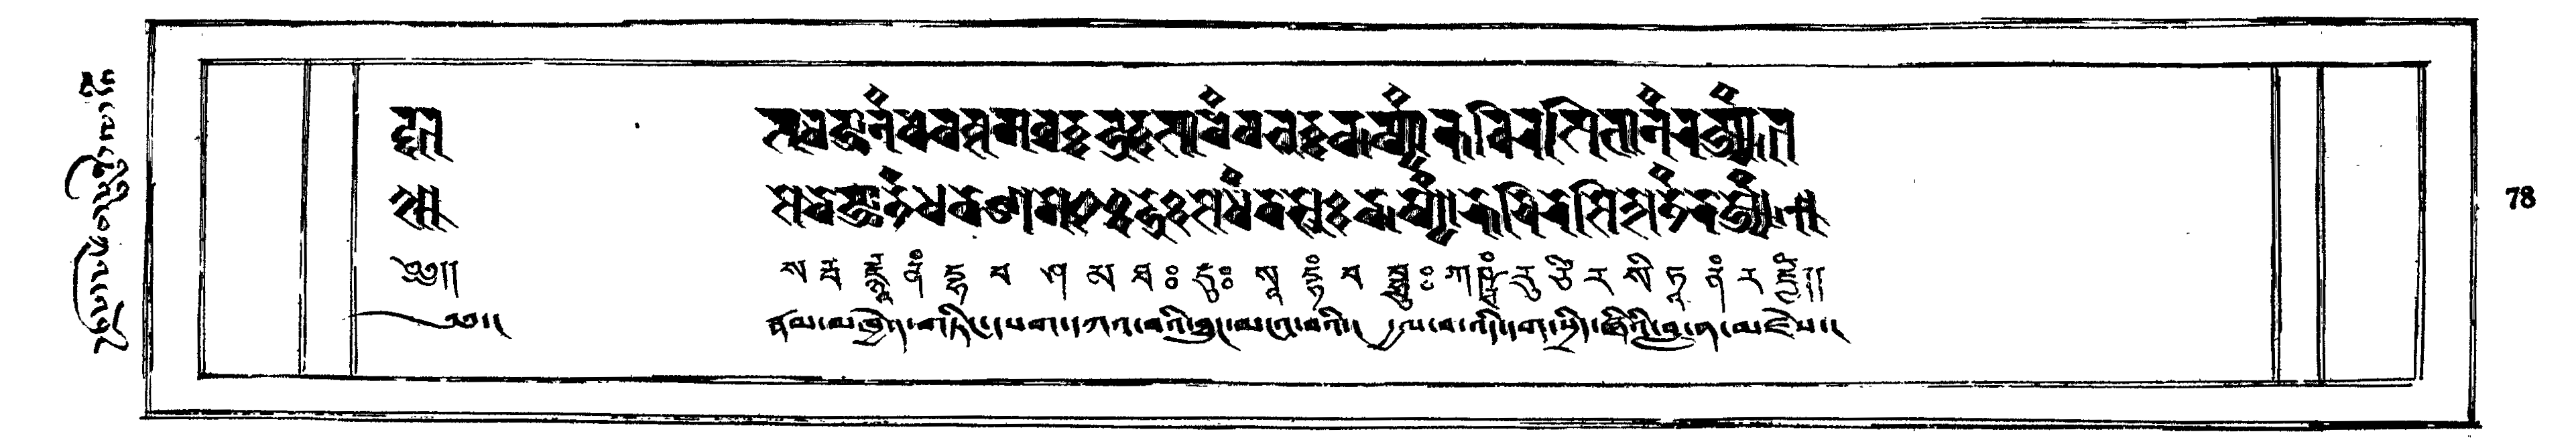།རྣམ་མཁྱེན་གཏིང་དཔག་དཀའ་བའི་ཐུགས་མངའ་བའི། །རྒྱལ་བ་འདི་དག་སྲིད་ཞིའི་བླ་ན་མཛེས། །